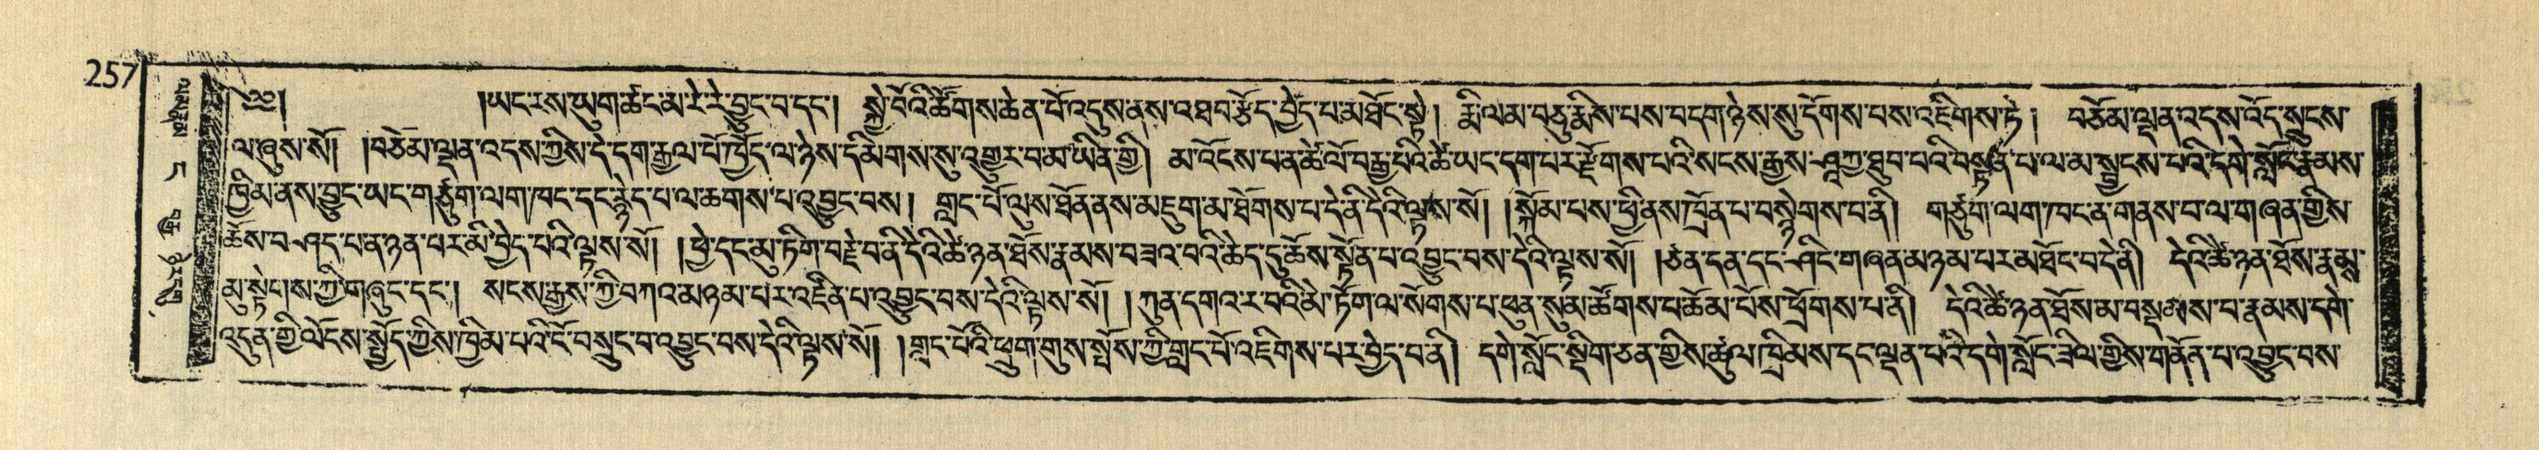༄༅། །ཡང་རས་ཡུག་ཚང་མ་རེ་རེ་བྱུང་བ་དང་། སྐྱེ་བོའི་ཚོགས་ཆེན་པོ་འདུས་ནས་འཐབ་རྩོད་བྱེད་པ་མཐོང་སྟེ། རྨི་ལམ་བཅུ་རྨིས་པས་བདག་ཉེས་སུ་དོགས་པས་འཇིགས་ཏེ། བཅོམ་ལྡན་འདས་འོད་སྲུང་
ལ་ཞུས་སོ། །བཅོམ་ལྡན་འདས་ཀྱིས་དེ་དག་རྒྱལ་པོ་ཁྱོད་ལ་ཉེས་དམིགས་སུ་འགྱུར་བ་མ་ཡིན་གྱི། མ་འོངས་པ་ན་ཚེ་ལོ་བརྒྱ་པའི་ཚེ་ཡང་དག་པར་རྫོགས་པའི་སངས་རྒྱས་ཤཱཀྱ་ཐུབ་པའི་བསྟན་པ་ལ་མ་སྦྱངས་པའི་དགེ་སློང་རྣམས་
ཁྱིམ་ནས་བྱུང་ཡང་གཙུག་ལག་ཁང་དང་རྙེད་པ་ལ་ཆགས་པ་འབྱུང་བས། གླང་པོ་ལུས་ཐོན་ནས་མཇུག་མ་ཐོགས་པ་དེ་ནི་དེའི་ལྟས་སོ། །སྐོམ་པས་ཕྱི་ནས་ཁྲོན་པ་བསྙེགས་པ་ནི། གཙུག་ལག་ཁང་ན་གནས་བ་ལ་གཞན་གྱིས་
ཆོས་བཤད་པ་ན་ཉན་པར་མི་བྱེད་པའི་ལྟས་སོ། །ཕྱེ་དང་མུ་ཏིག་བརྗེ་བ་ནི་དེའི་ཚེ་ཉན་ཐོས་རྣམས་བཟའ་བའི་ཆེད་དུ་ཆོས་སྟོན་པ་འབྱུང་བས་དེའི་ལྟས་སོ། །ཙན་དན་དང་ཤིང་གཞན་མཉམ་པར་མཐོང་བ་དེ་ནི། དེའི་ཚེ་ཉན་ཐོས་རྣམས་
མུ་སྟེགས་ཀྱི་གཞུང་དང་། སངས་རྒྱས་ཀྱི་བཀའ་མཉམ་པར་འཛིན་པ་འབྱུང་བས་དེའི་ལྟས་སོ། །ཀུན་དགའ་ར་བའི་མེ་ཏོག་ལ་སོགས་པ་ཕུན་སུམ་ཚོགས་པ་ཆོམ་པོས་ཕྲོགས་པ་ནི། དེའི་ཚེ་ཉན་ཐོས་མ་བསྡམས་པ་རྣམས་དགེ་
འདུན་གྱི་ལོངས་སྤྱོད་ཀྱིས་ཁྱིམ་པའི་ངོ་བསྲུང་བ་འབྱུང་བས་དེའི་ལྟས་སོ། །གླང་པོའི་ཕྲུག་གུས་སྤོས་ཀྱི་གླང་པོ་འཇིགས་པར་བྱེད་པ་ནི། དགེ་སློང་སྡིག་ཅན་གྱིས་ཚུལ་ཁྲིམས་དང་ལྡན་པའི་དགེ་སློང་ཟིལ་གྱིས་གནོན་པ་འབྱུང་བས་